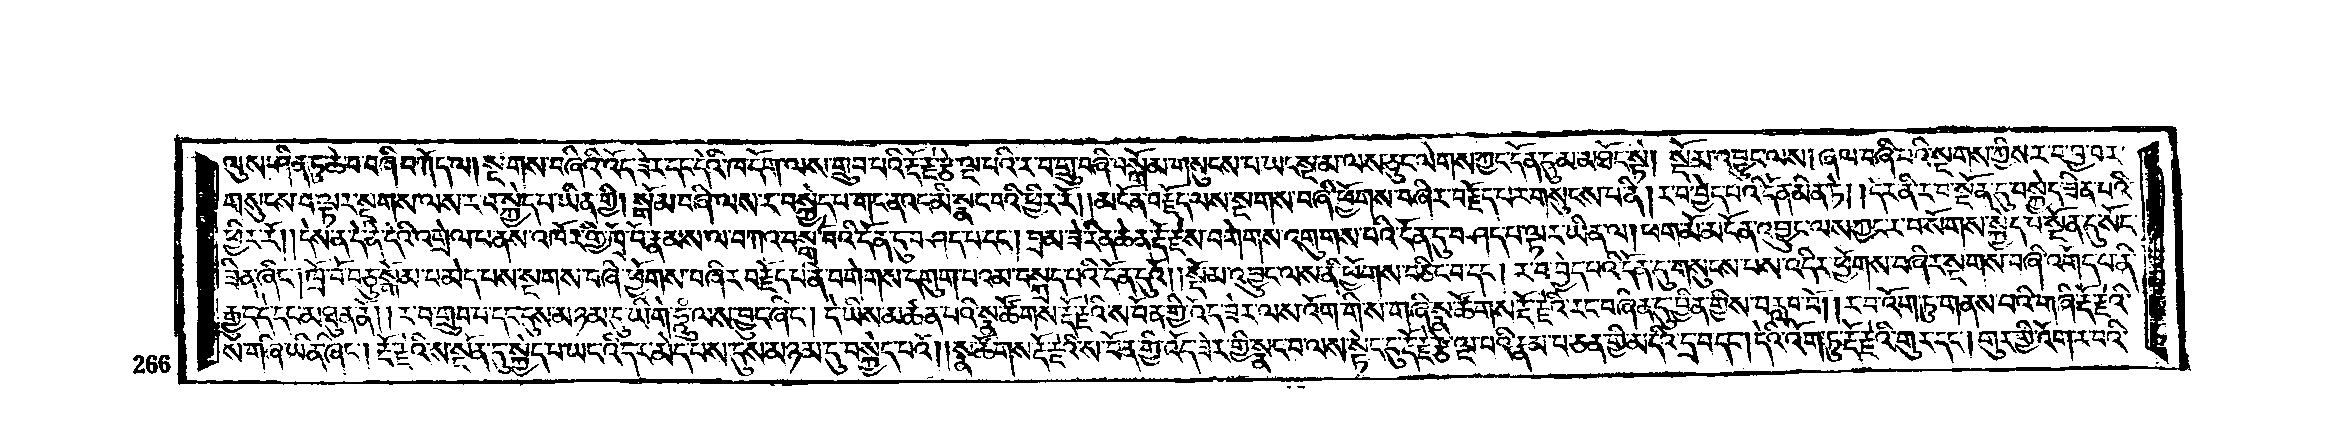ལུས་ཤིན་ཏུ་ཆེ་བ་བཞི་བཀོད་ལ། སྔགས་བཞིའི་འོད་ཟེར་དང་དེའི་ཁ་དོག་ལས་གྲུབ་པའི་རྡོ་རྗེ་རྩེ་ལྔ་པའི་ར་བ་གྲུ་བཞི་བསྒོམ་གསུངས་པ་ཡང་སྔ་མ་ལས་ཅུང་ལེགས་ཀྱང་དོན་དུ་མ་མཐོང་སྟེ། སྡོམ་འབྱུང་ལས། ཞལ་བཞི་པའི་སྔགས་ཀྱིས་ར་བ་བྱ་བར་
གསུངས་པ་ལྟར་སྔགས་ལས་ར་བ་སྐྱེད་པ་ཡིན་གྱི། སྒོམ་བཞི་ལས་ར་བ་སྐྱེད་པ་གང་ནའང་མི་སྣང་བའི་ཕྱིར་རོ། །མངོན་བརྗོད་ལས་སྔགས་བཞི་ཕྱོགས་བཞིར་བརྗོད་པར་གསུངས་པ་ནི། ར་བ་བྱེད་པའི་དོན་མིན་ཏེ། དེར་ནི་ར་བ་སྔོན་དུ་བསྐྱེད་ཟིན་པའི་
ཕྱིར་རོ། །དེས་ན་དེ་ནི་དེའི་འགྲེལ་པ་ནས་འཁོར་གྱི་ཁྲོ་བོ་རྣམས་ལ་བཀའ་བསྒོ་བའི་དོན་དུ་བཤད་པ་དང་། བྲམ་ཟེ་རིན་ཆེན་རྡོ་རྗེས་བགེགས་འགུགས་པའི་དོན་དུ་བཤད་པ་ལྟར་ཡིན་ལ། ཕག་མོ་མངོན་འབྱུང་ལས་ཀྱང་ར་བ་སོགས་སྐྱེད་པ་སྔོན་དུ་སོང་
ཟིན་ཞིང་། ཁྲོ་བོ་བཅུ་སྒོམ་པ་མེད་པས་སྔགས་བཞི་ཕྱོགས་བཞིར་བརྗོད་པ་ནི་བགེགས་དགུག་པའམ་བསྐྲད་པའི་དོན་དུའོ། །སྡོམ་འབྱུང་ལས་ནི་ཕྱོགས་བཅིང་བ་དང་། ར་བ་བྱེད་པའི་དོན་དུ་གསུངས་པས་འདིར་ཕྱོགས་བཞིར་སྔགས་བཞི་འགོད་པ་ནི་
རྒྱུད་དེ་དང་མཐུན་ནོ། །ར་བ་གྲུབ་པ་དང་དུས་མཉམ་དུ་ཡི་གེ་ཧཱུཾ་ལས་བྱུང་ཞིང་། དེ་ཡིས་མཚན་པའི་སྣ་ཚོགས་རྡོ་རྗེའི་ས་བོན་གྱི་འོད་ཟེར་ལས་འོག་གི་ས་གཞི་སྣ་ཚོགས་རྡོ་རྗེའི་རང་བཞིན་དུ་བྱིན་གྱིས་བརླབ་པོ། །ར་བ་འོག་ཏུ་གནས་པའི་གཞི་རྡོ་རྗེའི་
ས་གཞི་ཡིན་ཞིང་། རྡོ་རྗེའི་ས་སྔོན་དུ་སྐྱེད་པ་ཡང་འདིར་མེད་པས་དུས་མཉམ་དུ་བསྐྱེད་པའོ། །སྣ་ཚོགས་རྡོ་རྗེའི་ས་བོན་གྱི་འོད་ཟེར་གྱི་སྣང་བ་ལས་སྟེང་དུ་རྡོ་རྗེ་རྩེ་ལྔ་པའི་རྣམ་པ་ཅན་གྱི་མདའི་དྲ་བ་དང་། དེའི་འོག་ཏུ་རྡོ་རྗེའི་གུར་དང་། གུར་གྱི་འོག་ར་བའི་